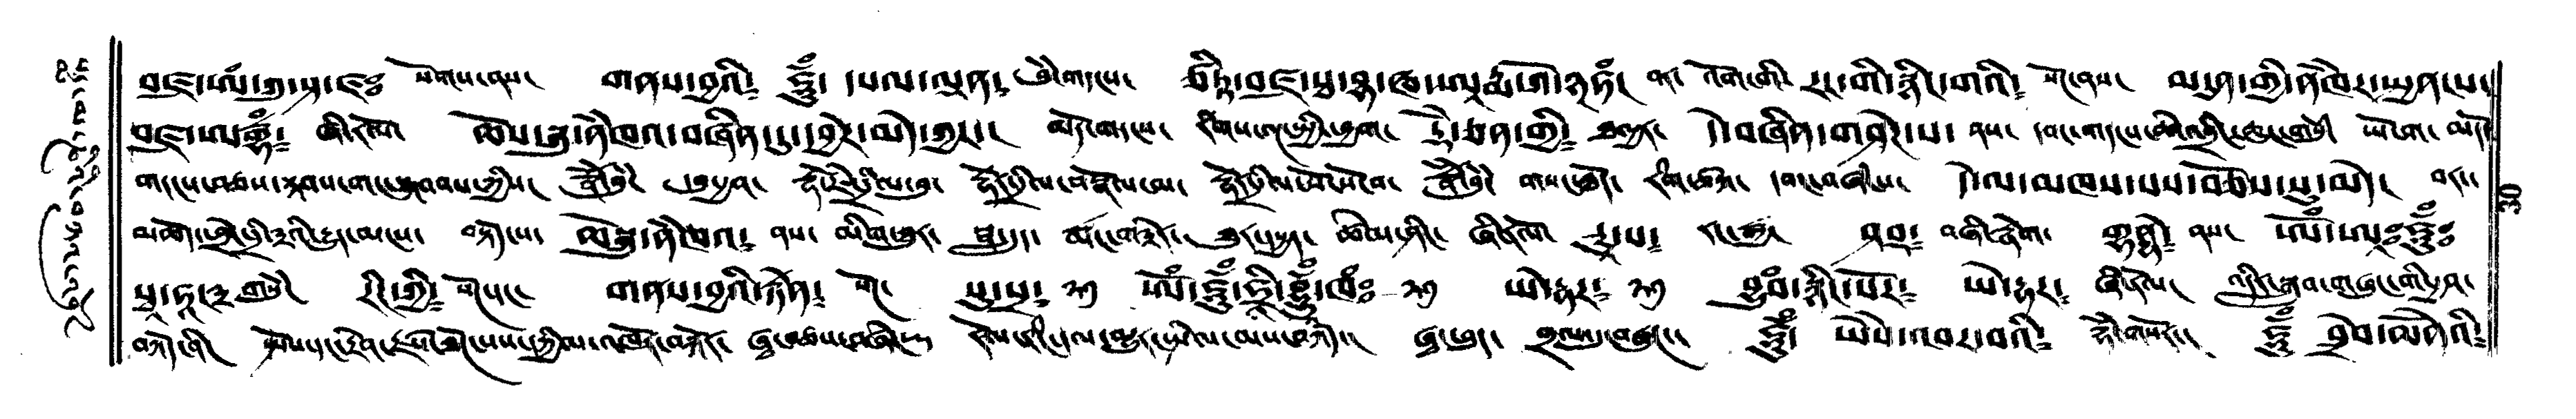བཛྲ་ཨཾ་ཀུ་ཤ་ཛཿ སོགས་ནས། གནས་བྱའི༴ ཧཱུྃ། དཔལ་ལྡན༴ བུམ་གདངས། ཙིཏྟ་བཛྲ་སྭ་བྷ་ཝ་ཨཱཏྨ་ཀོ་྅ཧཾ༔། བར། འོག་གི། རང་གི་སྙིང་གའི༴ སོགས་ནས། མདུན་གྱི་ནམ་མཁར་སྤྱན་དྲངས། 
བཛྲ་ཨརྒྷཾ༴ ཞི་རོལ། ཆོས་སྐུ་ནམ་མཁའ་བཞིན་དུ་དབྱེར་མེད་ཀྱང༴ མདོ་གདངས། རིགས་ལྔ་སྤྱི་ཕྱག། རྡོ་རྗེ་ཅན་གྱི༴ ཐལ་སྦྱར། དེ་བཞིན་གཤེགས་པ༴ ནས། དབང་གདངས་ཆེ་འབྲིང་ཆུང་གསུམ། ཡོ་ག མདོ་
གདངས་བཅས་སྐབས་གང་བབས་ཀྱིས། རྣམ་བུམ། དབུ་རྒྱན། རྡོ་རྗེ་དྲིལ་བུ། རྡོར་དྲིལ་བསྣོལ་མ། རྡོར་དྲིལ་སོ་སོ་བ། རྣམ་བུམ། གསང་ཐོད། རིཀ་ཙག དབང་བཞི་པ། དེ་ལ་མཁས་པས་བཅོས་སུ་མེད། བར་
མཆོད་ཕྲེང་དྲི་ཟའི་རྒྱུད་མང་། བསྟོད་པ། ཆོས་སྐུ་ནམ་མཁའ༴ ནས། མིག་ཐུར། སྣ་དྲུད། རྨང་གཟེར། ཐུར་དཔྱད། ཚེམ་ཤིང་། ཞི་རོལ། རཱུ་པ༴ རང་རྒྱ། ཤབྡ༴ བཞི་བསྣོལ། གྷནྡྷེ༴ ནས། ཨོཾ་ཨཱཿཧཱུྃ༔ 
སྭ་ཧཱ། ལན་གསུམ། རིགས་ཀྱི༴ སོགས་དང་། གནས་བྱའི་རྟེན༴ སོགས། སུ་པྲ༴ ཉེར་གཅིག ཨོཾ་ཧཱུྃ་ཧྲཱིབྷྲུྃ་ཁཾ༔ ཉེར་གཅིག ཡེ་དྷར༴ ཉེར་གཅིག བྱང་ཆུབ་སྙིང་པོར༴ ཡེ་དྷར༴ ཞི་རོལ། འདིར་སྒྲུབ་གཞུང་གི་རྒྱན་
བཀོད་ནི། སྤོས་དང་རྟེན་རྫས་ཐོགས་པས་དཀྱིལ་འཁོར་བསྐོར། ཞྭ་བཅས་བཞེངས། རོལ་རིང་དལ་མྱུར་སྤེལ་མས་འཁོད། ཞྭ་ཕུད། གྲལ་དུ་བཞུགས། ཧཱུྃ༔ ཡེ་ཤེས་འབར་བའི༴ རྡོ་རྗེ་གསོར ། ཧཱུྃ༔ ཤེས་རབ་ཆེན་པོའི༴